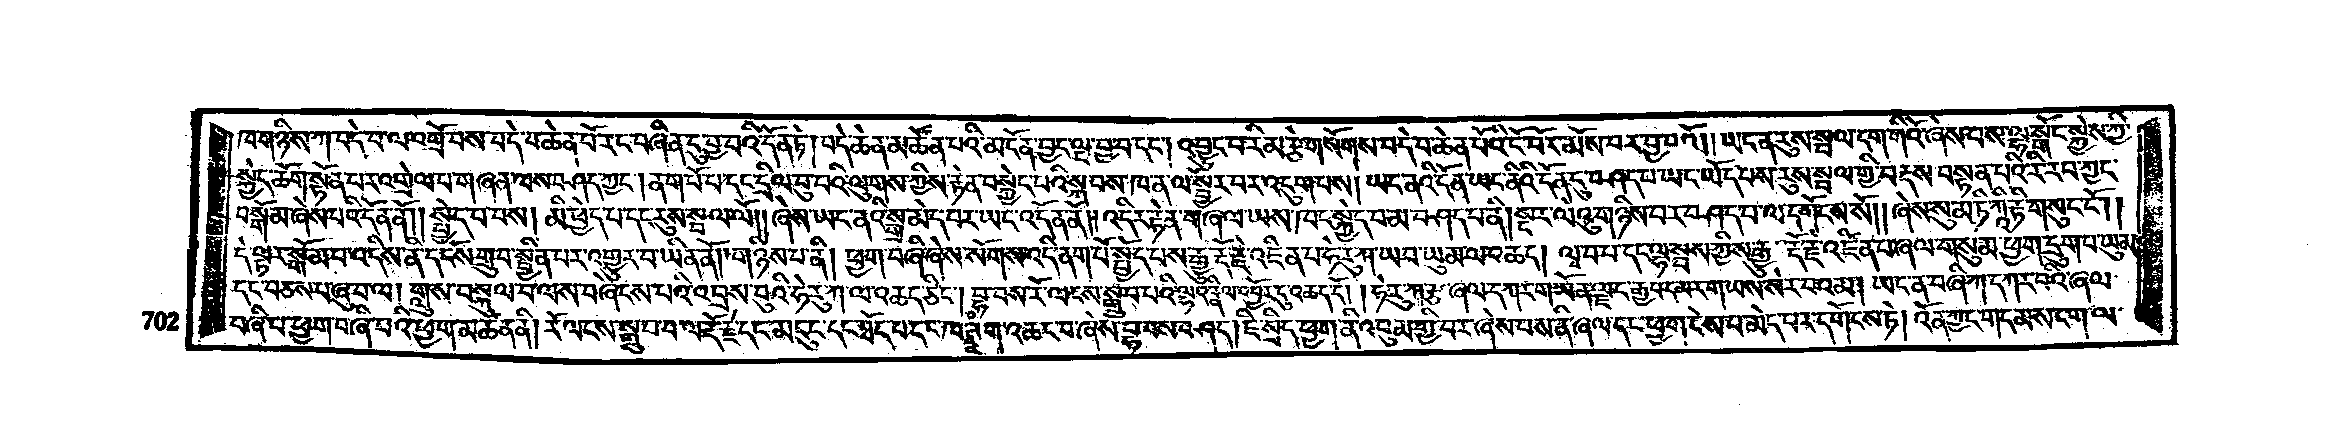ཁ་གཉིས་ཀ་བདེ་བ་ལ་འགྲོ་བས་བདེ་བ་ཆེན་པོ་རང་བཞིན་དུ་བྱ་བའི་དོན་ཏེ། བདེ་ཆེན་མཚོན་པའི་མངོན་བྱང་ལྔ་བྱ་བ་དང་། འབྱུང་བ་རིམ་རྩེ་གསོགས་བདེ་བ་ཆེན་པོའི་ངོ་བོར་མོས་པར་བྱ་བའོ། །ཡང་ན་རུས་སྦལ་དག་གིའོ་ཞེས་བས་ལྷ་སྒོང་སྐྱེས་ཀྱི་
སྐྱེད་ཆོག་སྟོན་པར་འགྲེལ་པ་གཞན་ལས་བཤད་ཀྱང་། ནག་པོ་པ་དང་དྲིལ་བུ་པའི་ལུགས་ཀྱིས་རྟེན་བསྐྱེད་པའི་སྐབས་ཁོ་ན་ལ་སྦྱོར་བར་འདུག་པས། ཡང་ནའི་དོན་ཡང་ནིའི་དོན་དུ་བཤད་པ་ཡང་ཡོད་པས་རུས་སྦལ་གྱི་བརྡས་བསྟན་པའི་རི་རབ་ཀྱང་
བསྒོམ་ཞེས་པའི་དོན་ནོ། །སྤྱོད་པ་པས། མི་ཕྱེད་པ་དང་རུས་སྦལ་ལོ། །ཞེས་ཡང་ནའི་སྒྲ་མེད་པར་ཡང་འདོན་ནོ། །འདིར་རྟེན་གཞལ་ཡས་ཁང་སྐྱེད་པ་མ་བཤད་པ་ནི། སྔར་ལེའུ་གཉིས་བར་བཤད་པ་ལ་དགོངས་སོ། །ཞེས་སུ་མ་ཏི་ཀཱི་རྟི་གསུང་ངོ། །
དེ་ལྟར་སྒོམ་པ་འདིས་ནི་དངོས་གྲུབ་སྦྱིན་པར་འགྱུར་བ་ཡིན་ནོ། །གཉིས་པ་ནི། ཕྱག་བཞི་ཞེས་སོགས་འདི་ནག་པོ་སྤྱོད་པས་རྒྱུ་རྡོ་རྗེ་འཛིན་པ་ཧེ་རུ་ཀ་ཡབ་ཡུམ་ལ་འཆད། ལྭ་བ་པ་དང་ལྷ་སྦས་ཀྱིས་རྒྱུ་རྡོ་རྗེ་འཛིན་པ་ཞལ་གསུམ་ཕྱག་དྲུག་པ་ཡུམ་
དང་བཅས་པ་ཞུ་བ་ལ། གླུས་བསྐུལ་བ་ལས་བཞེངས་པའི་འབྲས་བུའི་ཧེ་རུ་ཀ་ལ་འཆད་ཅིང་། བྷ་བས་རོ་ལངས་སྒྲུབ་པའི་ལྷའི་རྣལ་འབྱོར་དུ་འཆད་དོ། །ཧེ་རུ་ཀ་རྩ་ཞལ་དཀར་གཡོན་ལྗང་རྒྱབ་དམར་གཡས་སེར་བའམ། ཡང་ན་བཞི་ཀ་དཀར་བའི་ཞལ་
བཞི་པ་ཕྱག་བཞི་པའི་ཕྱག་མཚན་ནི། རོ་ལངས་སྒྲུབ་བ་ལ་རྡོ་རྗེ་དང་མདུང་དང་ཐོད་པ་དང་ཁ་ཊྭཱཾ་ག་འཆང་བ་ཞེས་བྷ་བས་བཤད། ཇི་སྲིད་ཕྱག་ནི་འབུམ་གྱི་བར་ཞེས་པས་ནི་ཞལ་དང་ཕྱག་ངེས་པ་མེད་པར་དགོངས་ཏེ། འོན་ཀྱང་གདམས་ངག་ལ་